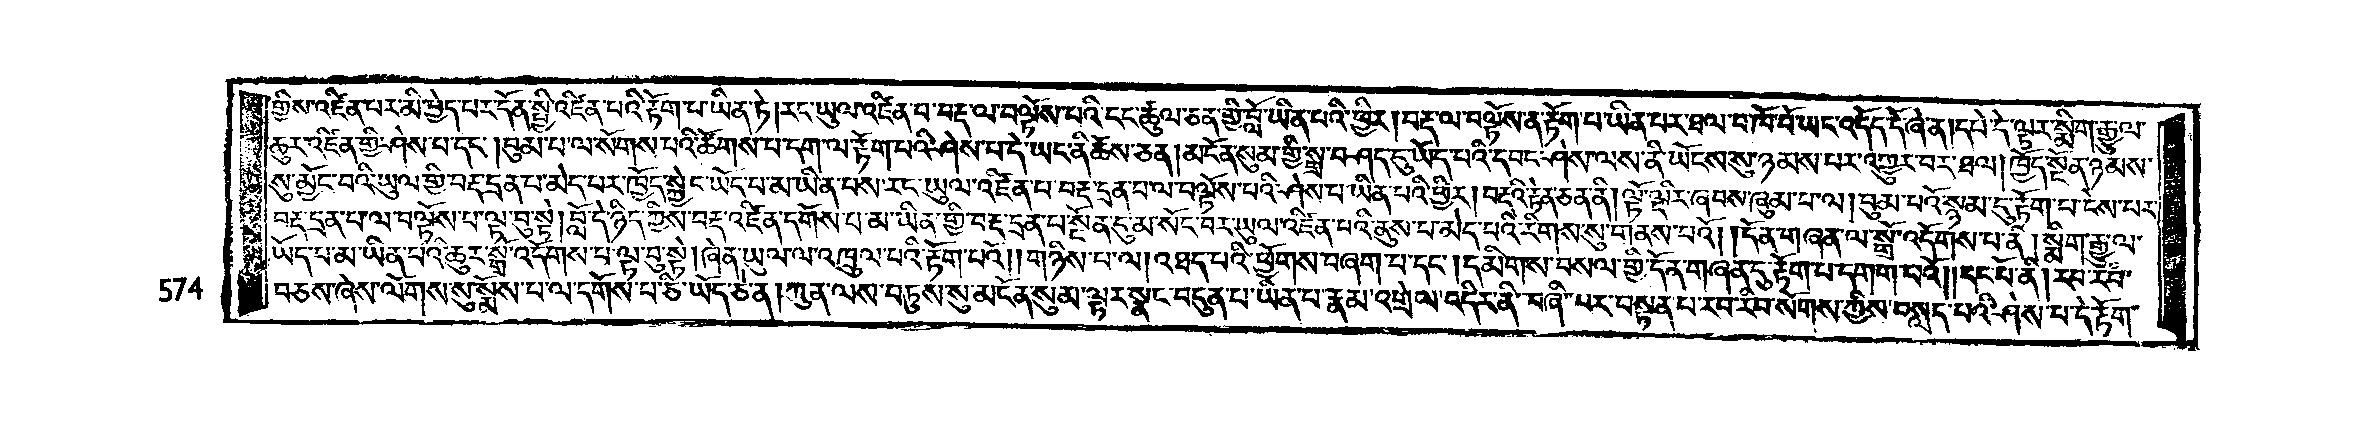གྱིས་འཛིན་པར་མི་ཕྱེད་པར་དོན་སྤྱི་འཛིན་པའི་རྟོག་པ་ཡིན་ཏེ། རང་ཡུལ་འཛིན་པ་བརྡ་ལ་བལྟོས་པའི་དང་ཚུལ་ཅན་གྱི་བློ་ཡིན་པའི་ཕྱིར། བརྡ་ལ་བལྟོས་ན་རྟོག་པ་ཡིན་པར་ཐལ་བ་ཁོ་བོ་ཡང་འདོད་དོ་ཞེ་ན། དཔེ་དེ་ལྟར་སྨིག་རྒྱུ་ལ་
ཆུར་འཛིན་གྱི་ཤེས་པ་དང་། བུམ་པ་ལ་སོགས་པའི་ཚོགས་པ་དག་ལ་རྟོག་པའི་ཤེས་པ་དེ་ཡང་ནི་ཆོས་ཅན། མངོན་སུམ་གྱི་སྒྲ་བཤད་དུ་ཡོད་པའི་དབང་ཤེས་ལས་ནི་ཡོངས་སུ་ཉམས་པར་འགྱུར་བར་ཐལ། ཁྱོད་སྔོན་ཉམས་
སུ་མྱོང་བའི་ཡུལ་གྱི་བརྡ་དྲན་པ་མེད་པར་ཁྱོད་སྐྱེད་ཡོད་པ་མ་ཡིན་པས་རང་ཡུལ་འཛིན་པ་བརྡ་དྲན་པ་ལ་བལྟོས་པའི་ཤེས་པ་ཡིན་པའི་ཕྱིར། བརྡའི་རྟེན་ཅན་ནི། ལྟོ་ལྡིར་ཞབས་ཞུམ་པ་ལ། བུམ་པའོ་སྙམ་དུ་རྟོག་པ་ངེས་པར་
བརྡ་དྲན་པ་ལ་བལྟོས་པ་ལྟ་བུ་སྟེ། བློ་དེ་ཉིད་ཀྱིས་བརྡ་འཛིན་དགོས་པ་མ་ཡིན་གྱི་བརྡ་དྲན་པ་སྔོན་དུ་མ་སོང་བར་ཡུལ་འཛིན་པའི་ནུས་པ་མེད་པའི་རིགས་སུ་གནས་པའོ། །དོན་གཞན་ལ་སྒྲོ་འདོགས་པ་ནི། སྨིག་རྒྱུ་ལ་
ཡོད་པ་མ་ཡིན་པའི་ཆུར་སྒྲོ་འདོགས་པ་ལྟ་བུ་སྟེ། ཞེན་ཡུལ་ལ་འཁྲུལ་བའི་རྟོག་པའོ། །གཉིས་པ་ལ། འཐད་པའི་ཕྱོགས་བཞག་པ་དང་། དམིགས་བསལ་གྱི་དོན་གཞན་དུ་རྟོག་པ་དགག་པའོ། །དང་པོ་ནི། རབ་རྀབ་
བཅས་ཞེས་ལོགས་སུ་སྨོས་པ་ལ་དགོས་པ་ཅི་ཡོད་ཅེ་ན། ཀུན་ལས་བཏུས་སུ་མངོན་སུམ་ལྟར་སྣང་བདུན་པ་ཡིན་པ་རྣམ་འགྲེལ་འདིར་ནི་བཞི་པར་བསྟན་པ་རབ་རིབ་སོགས་ཀྱིས་བསྙད་པའི་ཤེས་པ་དེ་རྟོག་